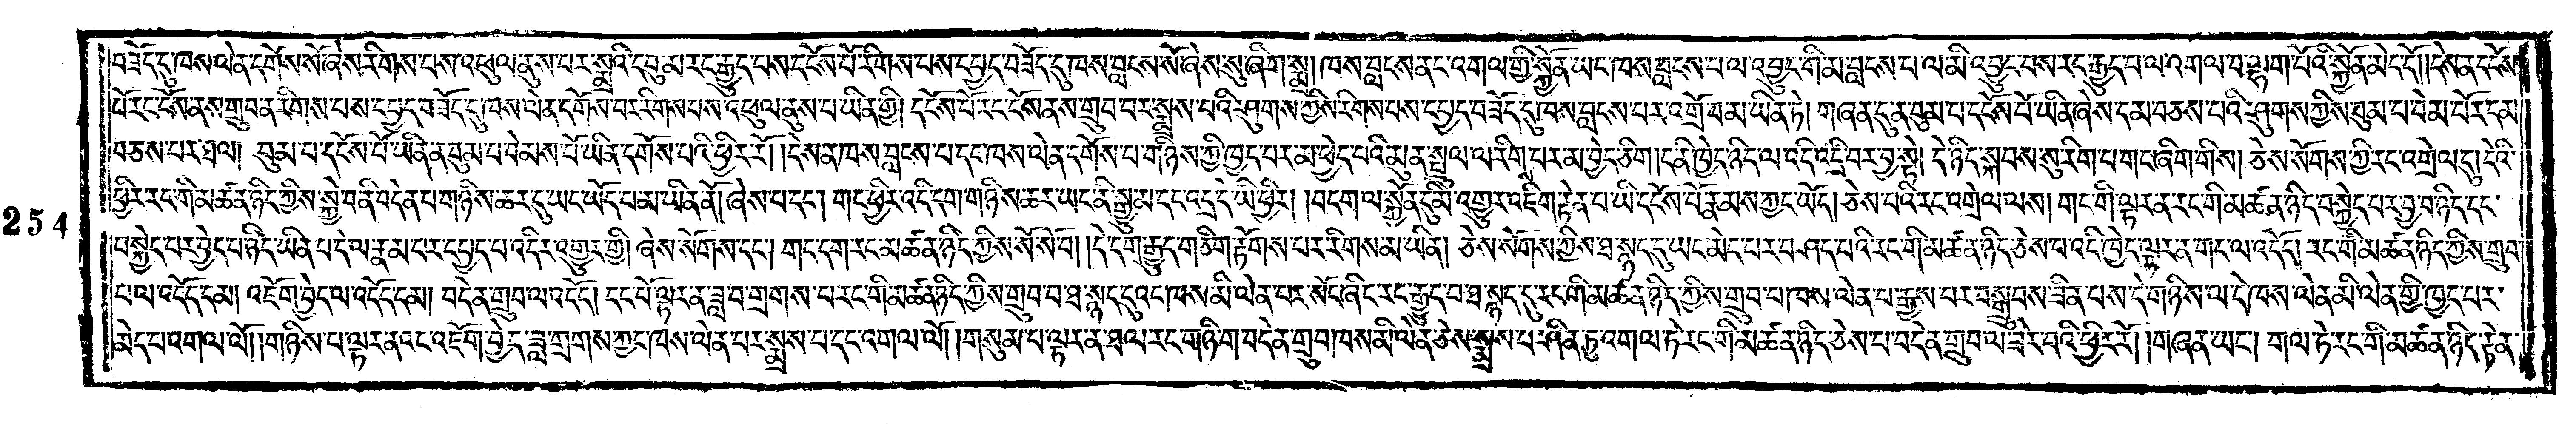བཟོད་དུ་ཁས་ལེན་དགོས་སོ་ཞེས་རིགས་པས་འཕུལ་ནུས་པར་སྨྲའི་དབུ་མ་རང་རྒྱུད་པས་དངོས་བོ་རིགས་པས་དཔྱད་བཟོད་དུ་ཁས་བླངས་སོ་ཞེས་སུ་ཞིག་སྨྲ། ཁས་བླངས་ནང་འགལ་གྱི་སྐྱོན་ཡང་ཁས་བླངས་པ་ལ་འབྱུང་གི་མ་བླངས་པ་ལ་མི་འབྱུང་བས་རང་རྒྱུད་པ་ལ་དག་ལ་བ་ལྷག་པོའི་སྐྱོན་མེད་དོ། །དེས་ན་དངོས་
པོ་རང་ངོས་ནས་གྲུབ་ན་རིགས་པས་དཔྱད་བཟོད་དུ་ཁས་ལེན་དགོས་པར་རིགས་པས་འཕུལ་ནུས་པ་ཡིན་གྱི། དངོས་པོ་རང་ངོས་ནས་གྲུབ་པར་སྨྲས་པའི་ཤུགས་ཀྱིས་རིགས་པས་དཔྱད་བཟོད་དུ་ཁས་བླངས་པར་འགྲོ་བ་མ་ཡིན་ཏེ། གཞན་དུ་ན་བུམ་པ་དངོས་པོ་ཡིན་ཞེས་དམ་བཅས་པའི་ཤུགས་ཀྱིས་བུམ་པ་བེམ་པོར་དམ་
བཅས་པར་ཐལ། བུམ་པ་དངོས་པོ་ཡིན་ན་བུམ་པ་བེམས་པོ་ཡིན་དགོས་པའི་ཕྱིར་རོ། །དེས་ན་ཁས་བླངས་པ་དང་ཁས་ལེན་དགོས་པ་གཉིས་ཀྱི་ཁྱད་པར་མ་ཕྱེད་པའི་མུན་སྤྲུལ་ལ་རིགས་པར་མ་བྱེད་ཅིག། ད་ནི་ཁྱེད་ཉིད་ལ་འདི་འདྲི་བར་བྱ་སྟེ། དེ་ཉིད་སྐབས་སུ་རིག་པ་གང་ཞིག་གིས། ཅེས་སོགས་ཀྱི་རང་འགྲེལ་དུ། དེའི་
ཕྱིར་རང་གི་མཚན་ཉིད་ཀྱིས་སྐྱེ་བ་ནི་བདེན་པ་གཉིས་ཆར་དུ་ཡང་ཡོད་པ་མ་ཡིན་ནོ། ཞེས་བ་དང་། གང་ཕྱིར་འདི་དག་གཉིས་ཆར་ཡང་ནི་སྒྱུ་མ་དང་འདྲ་དེ་ཡི་ཕྱིར། །བདག་ལ་སྐྱོན་དུ་མི་འགྱུར་འཇིག་རྟེན་པ་ཡི་དངོས་པོ་རྣམས་ཀྱང་ཡོད། ཅེས་པའི་རང་འགྲེལ་ལས། གང་གི་ལྟར་ན་རང་གི་མཚན་ཉིད་བསྐྱེད་པར་བྱ་བ་ཉིད་དང་
བསྐྱེད་བར་བྱེད་པ་ཉིད་ཡིན་པ་དེ་ལ་རྣམ་བར་དཔྱད་པ་འདིར་འགྱུར་གྱི། ཞེས་སོགས་དང་། གང་དག་རང་མཚན་ཉིད་ཀྱིས་སོ་སོ། །དེ་དག་རྒྱུད་གཅིག་རྟོགས་པར་རིགས་མ་ཡིན། ཅེས་སོགས་ཀྱིས་ཐ་སྙད་དུ་རང་མེད་པར་བཤད་པའི་རང་གི་མཚན་ཉིད་ཅེས་པ་འདི་ཁྱེད་ལྟར་ན་གང་ལ་འདོད། རང་གི་མཚན་ཉིད་ཀྱིས་གྲུབ་
བ་ལ་འདོད་དམ། འཇོག་བྱེད་ལ་འདོད་དམ། བདེན་གྲུབ་ལ་འདོད། དང་པོ་ལྟར་ན་ཟླ་བ་གྲགས་པ་རང་གི་མཚན་ཉིད་ཀྱིས་གྲུབ་བ་ཐ་སྙད་དུའང་ཁས་མི་ལེན་པར་སོང་ཞིང་རང་རྒྱུད་པ་ཐ་སྙད་དུ་རང་གི་མཚན་ཉིད་ཀྱིས་བ་ཁས་ལེན་པ་རྒྱས་པར་བསྒྲུབས་ཟིན་པས་དེ་གཉིས་ལ་དེ་ཁས་ལེན་མི་ལེན་གྱི་ཁྱད་པར་
མེད་པ་འགལ་ལོ། །གཉིས་པ་ལྟར་ནའང་འཇོག་བྱེད་ཟླ་གྲགས་ཀྱང་ལེན་པར་སྨྲས་པ་དང་འགལ་ལོ། །གསུམ་བ་ལྟར་ན་ཐལ་རང་གཉི་ག་བདེན་གྲུབ་ཁས་མི་ལེན་ཅེས་སྨྲས་པ་ཤིན་ཏུ་འགལ་ཏེ་རང་གི་མཚན་ཉིད་ཅེས་པ་བདེན་གྲུབ་ལ་ཟེར་བའི་ཕྱིར་རོ། །གཞན་ཡང་། གལ་ཏེ་རང་གི་མཚན་ཉིད་རྟེན་